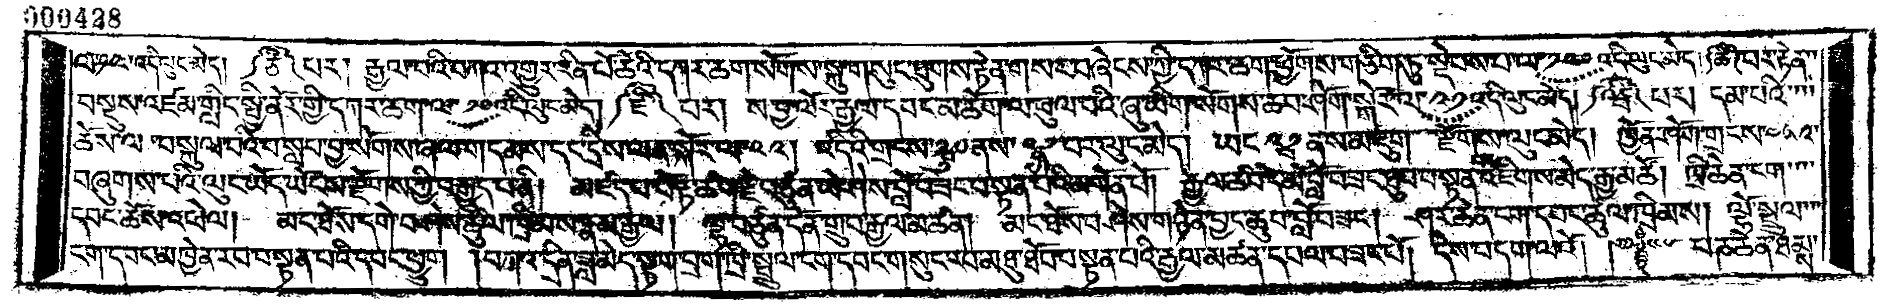ལ ༡༣་འདི་ལུང་མེད། ༼ཙི༽ པར། རྒྱལ་བའི་བཀའ་འགྱུར་རིན་པོ་ཆེའི་དཀར་ཆག་སོགས་སྐུ་གསུང་ཐུགས་རྟེན་གསར་བཞེངས་ཀྱི་དཀར་ཆག་ཕྱོགས་གཅིག་ཏུ་སྡེབས་པ་ལ ༡༢༠་འདི་ལུང་མེད། ༼ཚ༽ པར་རྟེན་
བསྡུས་འཛམ་གླིང་སྤྱི་ནོར་གྱི་དཀར་ཆག་ལ ༡༠་འདི་ལུང་མེད། ༼ཛི༽ པར། ས་བྱ་ལོར་རྒྱལ་དབང་མཆོག་ལ་ཕུལ་བའི་ཞུ་ཡིག་སོགས་ཆབ་ཤོག་སྐོར་ལ ༢༡་འདི་ལུང་མེད། ༼ཝི༽ པར། དམ་པའི་
ཆོས་ལ་བསྐུལ་བའི་བསླབ་བྱ་སོགས་ཞལ་གདམས་དང་དྲིས་ལན་སྐོར་ལ༢༢། འདིའི་གྲངས ༡༧བ༡་ནས ༢༡ན༧་བར་ལུང་མེད། ཡང ༢༡བ་ནས་མཇུག་རྫོགས་ལུང་མེད། ཁྱོན་ཤོག་གྲངས༤༦༢
བཞུགས་པའི་ལུང་ཡོད་ཡོངས་རྫོགས་ཀྱི་བརྒྱུད་པ་ནི། མཛད་པ་པོ་རྟ་ཚིག་རྗེ་བཙུན་ཡེ་ཤེས་བློ་བཟང་བསྟན་པའི་མགོན་པོ། རྒྱལ་ཚབ་དེ་མོ་བློ་བཟང་ཐུབ་བསྟན་འཇིགས་མེད་རྒྱ་མཚོ། ཁྲི་ཆེན་ངག་
དབང་ཆོས་འཕེལ། མང་ཐོས་དགེ་བཤེས་ཚུལ་ཁྲིམས་རྣམ་རྒྱལ། ལྷ་བཙུན་དོན་གྲུབ་རྒྱལ་མཚན། མང་ཐོས་བཤེས་གཉེན་བྱང་ཆུབ་བློ་བཟང་། ཤར་ཆེན་ངག་དབང་ཚུལ་ཁྲིམས། ལྷོ་སྤྲུལ་
ངག་དབང་མཁྱེན་རབ་བསྟན་པའི་དབང་ཕྱུག །བཀའ་དྲིན་ཟླ་མེད་སྟག་བྲག་ཁྲི་སྤྲུལ་ངག་དབང་གསུང་རབ་མཐུ་ཐོབ་བསྟན་པའི་རྒྱལ་མཚན་དཔལ་བཟང་པོ། དེས་བདག་ལའོ། །པཎ་ཆེན་ཐམས་